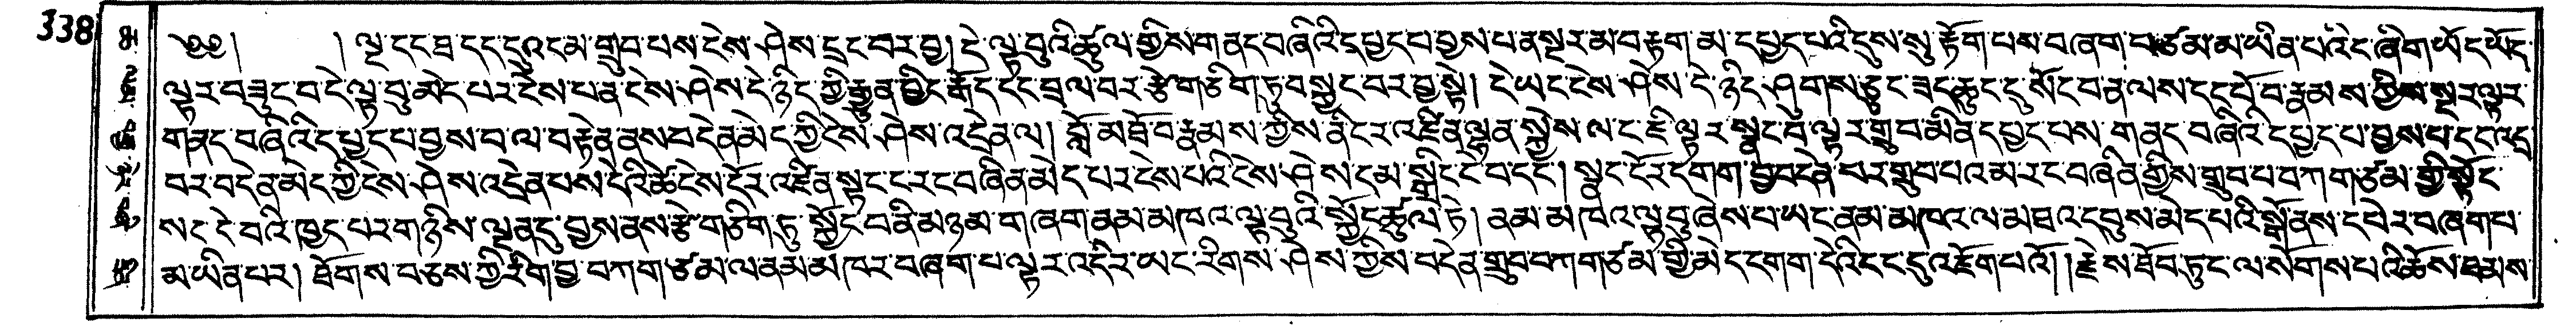༄༅། །ལྔ་དང་ཐ་དད་དུའང་མ་གྲུབ་པས་ངེས་ཤེས་དྲང་བར་བྱ། དེ་ལྟ་བུའི་ཚུལ་གྱིས་གནད་བཞིའི་དཔྱད་པ་བྱས་པ་ན་སྔར་མ་བརྟག་མ་དཔྱད་པའི་དུས་སུ་རྟོག་པས་བཞག་པ་ཙམ་མ་ཡིན་པའི་ང་ཞིག་ཡོད་ཡོད་
ལྟར་བཟུང་བ་དེ་ལྟ་བུ་མེད་པར་ངེས་པ་ན་ངེས་ཤེས་དེ་ཉིད་ཀྱི་རྒྱུན་བྱིང་རྒོད་དང་བྲལ་བར་རྩེ་གཅིག་ཏུ་བསྐྱང་བར་བྱ་སྟེ། དེ་ཡང་ངེས་ཤེས་དེ་ཉིད་ཤུགས་ཅུང་ཟད་ཆུང་ངུ་སོང་བ་ན་ལས་དང་པོ་བ་རྣམས་ཀྱིས་སྔར་ལྟར་
གནད་བཞིའི་དཔྱད་པ་བྱས་པ་ལ་བརྟེན་ནས་བདེན་མེད་ཀྱི་ངེས་ཤེས་འདྲེན་ལ། བློ་མཐོ་བ་རྣམས་ཀྱིས་ནི་ངར་འཛིན་ལྷན་སྐྱེས་ལ་ང་ཇི་ལྟར་སྣང་བ་ལྟར་གྲུབ་མིན་དཔྱད་པས་གནད་བཞིའི་དཔྱད་པ་བྱས་པ་དང་འདྲ་
བར་བདེན་མེད་ཀྱི་ངེས་ཤེས་འདྲེན་པས་དེའི་ཚེ་ངེས་དོར་འཛིན་སྟང་ང་རང་བཞིན་མེད་པར་ངེས་པའི་ངེས་ཤེས་དམ་སྒྲིང་ངེ་པ་དང་། སྣང་ངོར་དགག་བྱ་བདེན་པར་གྲུབ་པའམ་རང་བཞིན་གྱིས་གྲུབ་པ་བཀག་ཙམ་གྱི་སྟོང་
སང་དེ་བའི་ཁྱད་པར་གཉིས་ལྡན་དུ་བྱས་ནས་རྩེ་གཅིག་ཏུ་སྐྱོང་བ་ནི་མཉམ་གཞག་ནམ་མཁའ་ལྟ་བུའི་སྐྱོང་ཚུལ་ཏེ། ནམ་མཁའ་ལྟ་བུ་ཞེས་པ་ཡང་ནམ་མཁའ་ལ་མཐའ་དབུས་མེད་པའི་སྒོ་ནས་དཔེར་བཞག་པ་
མ་ཡིན་པར། ཐོགས་བཅས་ཀྱི་རིག་བྱ་བཀག་ཙམ་ལ་ནམ་མཁར་བཞག་པ་ལྟར་འདིར་ཡང་རིགས་ཤེས་ཀྱིས་བདེན་གྲུབ་བཀག་ཙམ་གྱི་མེད་དགག་དེའི་ངང་དུ་འཇོག་པའོ། །རྗེས་ཐོབ་ཏུ་ང་ལ་སོགས་པའི་ཆོས་ཐམས་